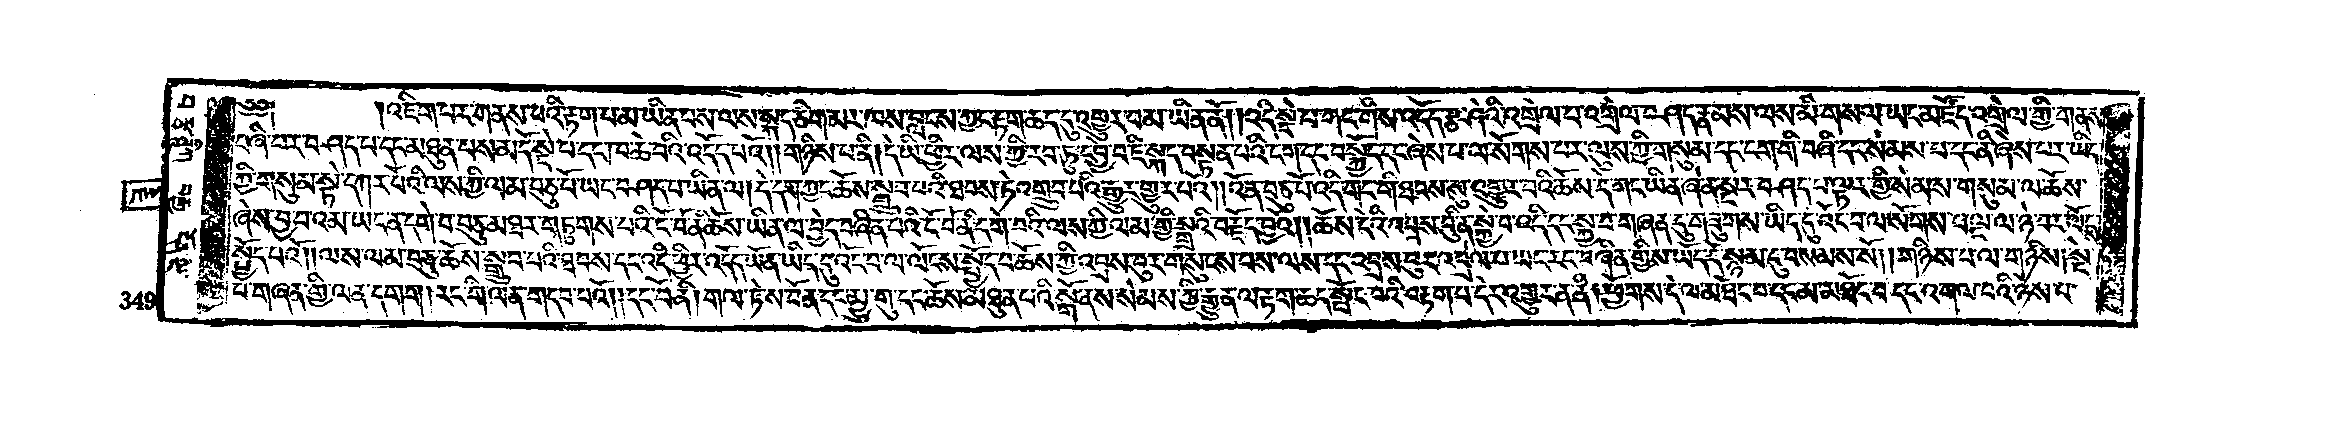༄༅། །འཇིག་པར་གནས་པའི་རྟག་པ་མ་ཡིན་པས་ལས་སྐད་ཅིག་མར་ཁས་བླངས་ཀྱང་རྟག་ཆད་དུ་འགྱུར་བ་མ་ཡིན་ནོ། །འདི་སྡེ་པ་གང་གིས་འདོད་རྩ་ཤེའི་འགྲེལ་པ་འགྲེལ་བཤད་རྣམས་ལས་མི་གསལ་ཡང་མཛོད་འགྲེལ་གྱི་གནས་
བཞི་པར་བཤད་པ་དང་མཐུན་པས་མདོ་སྡེ་པ་དང་ཁ་ཆེ་བའི་འདོད་པའོ། །གཉིས་པ་ནི། དེ་ཡི་ཕྱིར་ལས་ཀྱི་རབ་ཏུ་དབྱེ་བ་ཇི་སྐད་བསྟན་པའི་ངག་དང་བསྐྱོད་དང་ཞེས་པ་ལ་སོགས་པར་ལུས་ཀྱི་གསུམ་དང་ངག་གི་བཞི་དང་སེམས་པ་དང་ནི་ཞེས་པར་ཡིད་
ཀྱི་གསུམ་སྟེ་དཀར་པོའི་ལས་ཀྱི་ལམ་བཅུ་པོ་ཡང་བཤད་པ་ཡིན་ལ། དེ་དག་ཀྱང་ཆོས་སྒྲུབ་པའི་ཐབས་ཏེ་འགྲུབ་པའི་རྒྱུར་གྱུར་པའོ། །འོ་ན་བཅུ་པོ་འདི་གང་གི་ཐབས་སུ་འགྱུར་བའི་ཆོས་དེ་གང་ཡིན་ཞེ་ན་སྔར་བཤད་པ་ལྟར་གྱི་སེམས་གསུམ་ལ་ཆོས་
ཞེས་བྱ་བའམ་ཡང་ན་དགེ་བ་བཅུ་མཐར་གཏུགས་པའི་ངོ་བོ་ནི་ཆོས་ཡིན་ལ་བྱེད་བཞིན་པའི་ངོ་བོ་ནི་དགེ་བའི་ལས་ཀྱི་ལམ་གྱི་སྒྲའི་བརྗོད་བྱའོ། །ཆོས་དེའི་འབྲས་བུ་ནི་སྐྱེ་བ་འདི་དང་སྐྱ་བ་གཞན་དུ་གཟུགས་ཡིད་དུ་འོང་བ་ལ་སོགས་པ་ལྔ་ལ་ཉེ་བར་ལོངས་
སྤྱོད་པའོ། །ལས་ལམ་བཅུ་ཆོས་སྒྲུབ་པའི་ཐབས་དང་འདི་ཕྱིར་འདོད་ཡོན་ཡིད་དུ་འོང་བ་ལ་ལོངས་སྤྱོད་པ་ཆོས་ཀྱི་འབྲས་བུར་གསུངས་པས་ལས་དང་འབྲས་བུར་འབྲེལ་པ་ཡང་རང་བཞིན་གྱིས་ཡོད་དོ་སྙམ་དུ་བསམས་སོ། །གཉིས་པ་ལ་གཉིས། སྡེ་
པ་གཞན་གྱི་ལན་དགག །རང་གི་ལན་གདབ་པའོ། །དང་པོ་ནི། གལ་ཏེ་ས་བོན་དང་མྱུ་གུ་དང་ཆོས་མཐུན་པའི་སྒོ་ནས་སེམས་ཀྱི་རྒྱུན་ལ་རྟག་ཆད་སྤོང་བའི་བརྟག་པ་དེར་འགྱུར་ན་ནི། ཕྱོགས་དེ་ལ་མཐོང་བ་དང་མ་མཐོང་བ་དང་འགལ་བའི་ཉེས་པ་